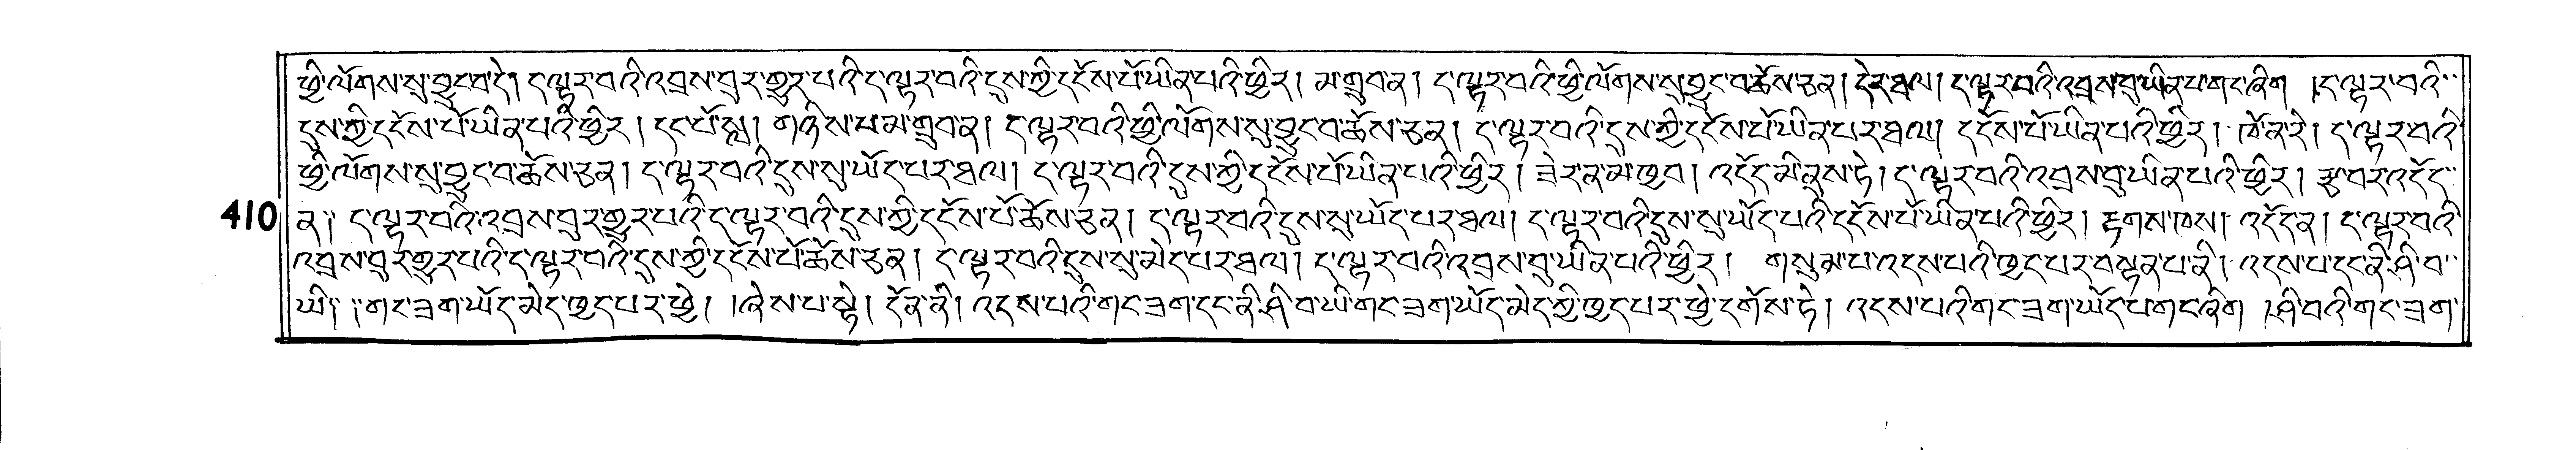ཕྱི་ལོགས་སུ་བྱུང་བ་དེ། ད་ལྟར་བའི་འབྲས་བུར་གྱུར་པའི་ལྟར་བའི་དུས་ཀྱི་དངོས་པོ་ཡིན་པའི་ཕྱིར། མ་གྲུབ་ན། ད་ལྟར་བའི་ཕྱི་ལོགས་སུ་བྱུང་བ་ཆོས་ཅན། དེར་ཐལ། ད་ལྟར་བའི་འབྲས་བུ་ཡིན་པ་གང་ཞིག །ད་ལྟར་བའི་
དུས་ཀྱི་དངོས་པོ་ཡིན་པའི་ཕྱིར། དང་པོ་སླ། གཉིས་པ་མ་གྲུབ་ན། ད་ལྟར་བའི་ཕྱི་ལོགས་སུ་བྱུང་བ་ཆོས་ཅན། ད་ལྟར་བའི་དུས་ཀྱི་དངོས་པོ་ཡིན་པར་ཐལ། དངོས་པོ་ཡིན་པའི་ཕྱིར། ཁོ་ན་རེ། ད་ལྟར་བའི་
ཕྱི་ལོགས་སུ་བྱུང་བ་ཆོས་ཅན། ད་ལྟར་བའི་དུས་སུ་ཡོད་པར་ཐལ། ད་ལྟར་བའི་དུས་ཀྱི་དངོས་པོ་ཡིན་པའི་ཕྱིར། ཟེར་ན་མ་ཁྱབ། འདོད་མི་ནུས་ཏེ། ད་ལྟར་བའི་འབྲས་བུ་ཡིན་པའི་ཕྱིར། རྩ་བར་འདོད་
ན༑ ད་ལྟར་བའི་འབྲས་བུར་གྱུར་པའི་ད་ལྟར་བའི་དུས་ཀྱི་དངོས་པོ་ཆོས་ཅན། ད་ལྟར་བའི་དུས་སུ་ཡོད་པར་ཐལ། ད་ལྟར་བའི་དུས་སུ་ཡོད་པའི་དངོས་པོ་ཡིན་པའི་ཕྱིར། རྟགས་ཁས། འདོད་ན། ད་ལྟར་བའི་
འབྲས་བུ་གྱུར་པའི་ད་ལྟར་བའི་དུས་ཀྱི་དངོས་པོ་ཆོས་ཅན། ད་ལྟར་བའི་དུས་སུ་མེད་པར་ཐལ། ད་ལྟར་བའི་འབྲས་བུ་ཡིན་པའི་ཕྱིར། གསུམ་པ་འདས་པའི་ཁྱད་པར་བསྟན་པ་ནི། འདས་པ་དང་ནི་ཤི་བ་
ཡི༑ །གང་ཟག་ཡོད་མེད་ཁྱོད་པར་ཕྱེ། །ཞེས་པ་སྟེ། དོན་ནི། འདས་པའི་གང་ཟག་དང་ནི་ཤི་བ་ཡི་གང་ཟག་ཡོད་མེད་ཀྱི་ཁྱད་པར་ཕྱེ་དངོས་ཏེ། འདས་པའི་གང་ཟག་ཡོད་པ་གང་ཞིག། །ཤི་བའི་གང་ཟ་